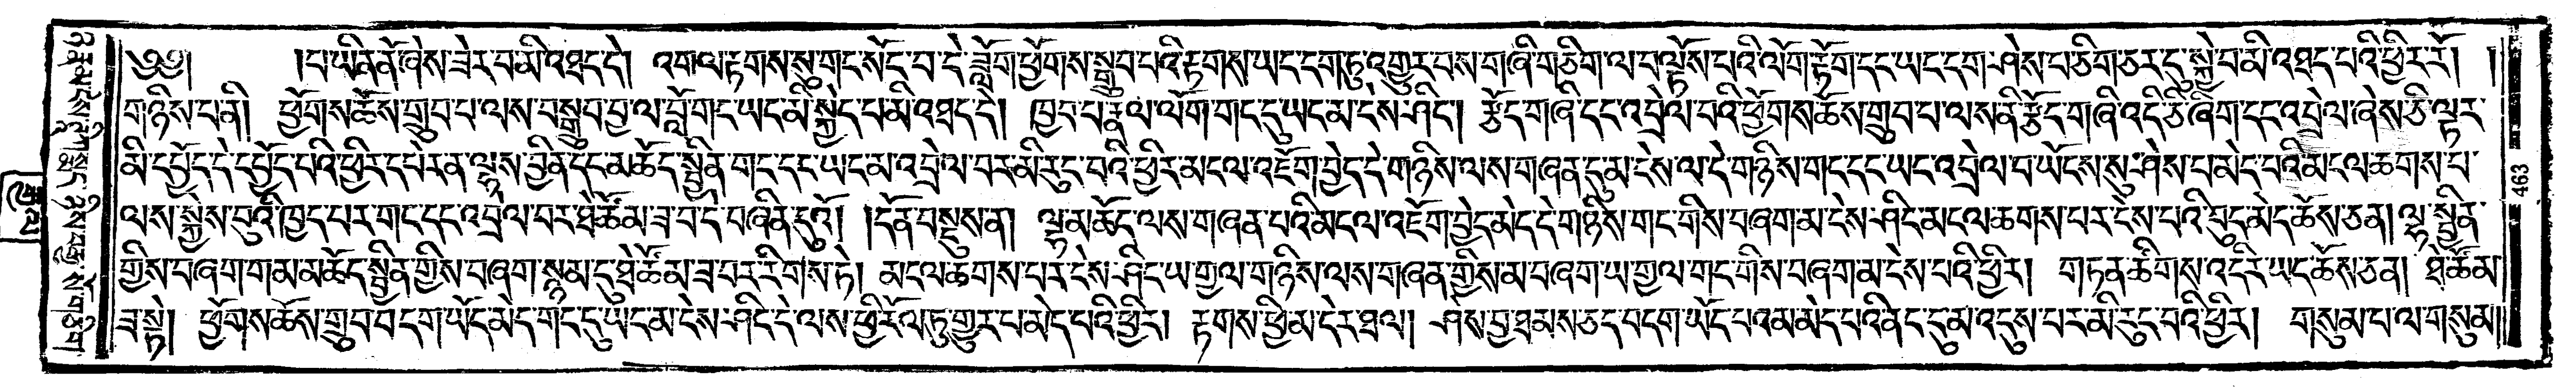༄༅། །པ་ཡིན་ནོ་ཞེས་ཟེར་པ་མི་འཐད་དེ། འགལ་རྟགས་སུ་གང་སོང་བ་དེ་ཟློག་ཕྱོགས་སྒྲུབ་པའི་རྟགས་ཡང་དག་ཏུ་འགྱུར་པས་གཞི་གཅིག་ལ་བལྟོས་པའི་ལོག་རྟོག་དང་ཡང་དག་ཤེས་པ་ཅིག་ཅར་དུ་སྐྱེ་བ་མི་འཐད་པའི་ཕྱིར་རོ། །
གཉིས་པ་ནི། ཕྱོགས་ཆོས་གྲུབ་པ་ལས་བསྒྲུབ་བྱ་ལ་བློ་གང་ཡང་མི་སྐྱེད་པ་མི་འཐད་དེ། ཁྱབ་པ་རྣལ་ལོག་གང་དུ་ཡང་མ་ངེས་ཤིང་། རྩོད་གཞི་དང་འབྲེལ་པའི་ཕྱོགས་ཆོས་གྲུབ་པ་ལས་ནི་རྩོད་གཞི་འདི་ཅི་ཞིག་དང་འབྲེལ་ཞེས་ཅི་ལྟར་
མི་དཔྱོད་དེ་དཔྱོད་པའི་ཕྱིར་དཔེར་ན་ལྷས་བྱིན་དང་མཆོད་སྦྱིན་གང་དང་ཡང་མ་འབྲེལ་པར་མི་རུང་བའི་ཕྱིར་མངལ་འཇོག་བྱེད་དེ་གཉིས་ལས་གཞན་དུ་མ་ངེས་ལ་དེ་གཉིས་གང་དང་ཡང་འབྲེལ་པ་ཡོངས་སུ་ཤེས་པ་མེད་པའི་མངལ་ཆགས་པ་
ལས་སྐྱེས་བུའི་ཁྱད་པར་གང་དང་འབྲེལ་བར་ཐེ་ཚོམ་ཟ་པ་དེ་བཞིན་དུའོ། །དོན་བསྡུས་ན། ལྷ་མཆོད་ལས་གཞན་པའི་མངལ་འཇོག་བྱེད་མེད་དེ་གཉིས་གང་གིས་བཞག་མ་ངེས་ཤིང་མངལ་ཆགས་པར་ངེས་པའི་བུད་མེད་ཆོས་ཅན། ལྷ་སྦྱིན་
གྱིས་བཞག་གམ་མཆོད་སྦྱིན་གྱིས་བཞག་སྙམ་དུ་ཐེ་ཚོམ་ཟ་བར་རིགས་ཏེ། མངལ་ཆགས་པར་ངེས་ཤིང་ཡ་གྱལ་གཉིས་ལས་གཞན་གྱིས་མ་བཞག་ཡ་གྱལ་གང་གིས་བཞག་མ་ངེས་པའི་ཕྱིར། གཏན་ཚིགས་འདིར་ཡང་ཆོས་ཅན། ཐེ་ཚོམ་
ཟ་སྟེ། ཕྱོགས་ཆོས་གྲུབ་བདག་ཡོད་མེད་གང་དུ་ཡང་མ་ངེས་ཤིང་དེ་ལས་ཕྱི་རོལ་ཏུ་གྱུར་པ་མེད་པའི་ཕྱིར། རྟགས་ཕྱི་མ་དེར་ཐལ། ཤེས་བྱ་ཐམས་ཅད་བདག་ཡོད་པའམ་མེད་པའི་ནང་དུ་མ་འདུས་པར་མི་རུང་པའི་ཕྱིར། གསུམ་པ་ལ་གསུམ།